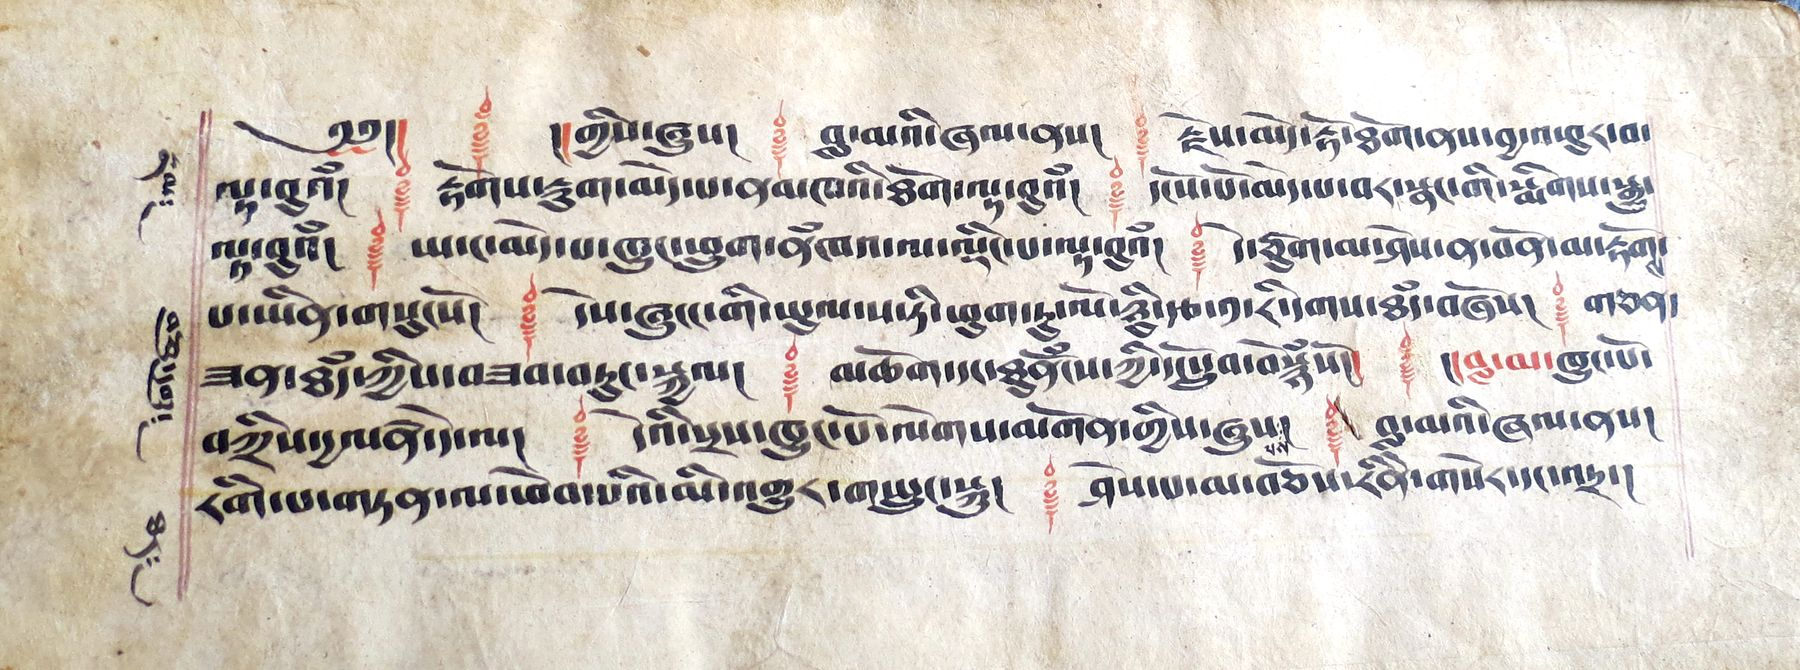གྱིས་ཞུས། བླ་མའི་ཞལ་ནས། རྗེས་མེད་རྡོ་ཐོག་ནས་བྱ་འཕུར་བ་
ལྟ་བུའམ། ཐོགས་རྡུགས་མེད་པ་ནམ་མཁའི་ཐོག་ལྟ་བུའམ། དངོས་པོ་མེད་པ་བར་སྣང་གི་སྨིག་རྒྱུ་
ལྟ་བུའམ། ཡ་ང་མེད་པ་ཁྱུང་ཕྲུག་ནམ་མཁའ་ལ་ལྡིང་བ་ལྟ་བུ་འམ། དེ་ཙུག་མ་ཤེས་ན་བོན་མ་རྟོགས་
པ་ཡིན་གསུངས་སོ། ། དེས་ཞང་ཞུང་གི་ཡུལ་ས་ཏི་ཕུག་ཏུ། ལོ་ཉི་ཤུ་རྩ་གཅིག་ཏུ་རི་དྭགས་ཐམས་ཅད་བཞོས། གཅན་
གཟན་ཐམས་ཅད་ཀྱིས་བཟའ་བཏུང་བསྐྱལ། མཆོག་དང་ཐུན་མོང་གི་དངོས་གྲུབ་བསྙེམས་སོ། ། བླ་མ་ཁྱུང་པོ་
བཀྲ་ཤིས་རྒྱལ་མཚན་དེ་ལ་དེའི་སྲས་ཁྱུང་པོ་ལེགས་མགོན་གྱིས་ཞུས། བླ་མའི་ཞལ་ནས། 
རིག་པ་གཏན་ལ་ཕེབས་པས་མི་འགྱུར་གཡུང་དྲུང་སྐུ། ཤེས་པ་མ་བཅོས་རིན་ཆེན་གསེར་དང་འདྲ།